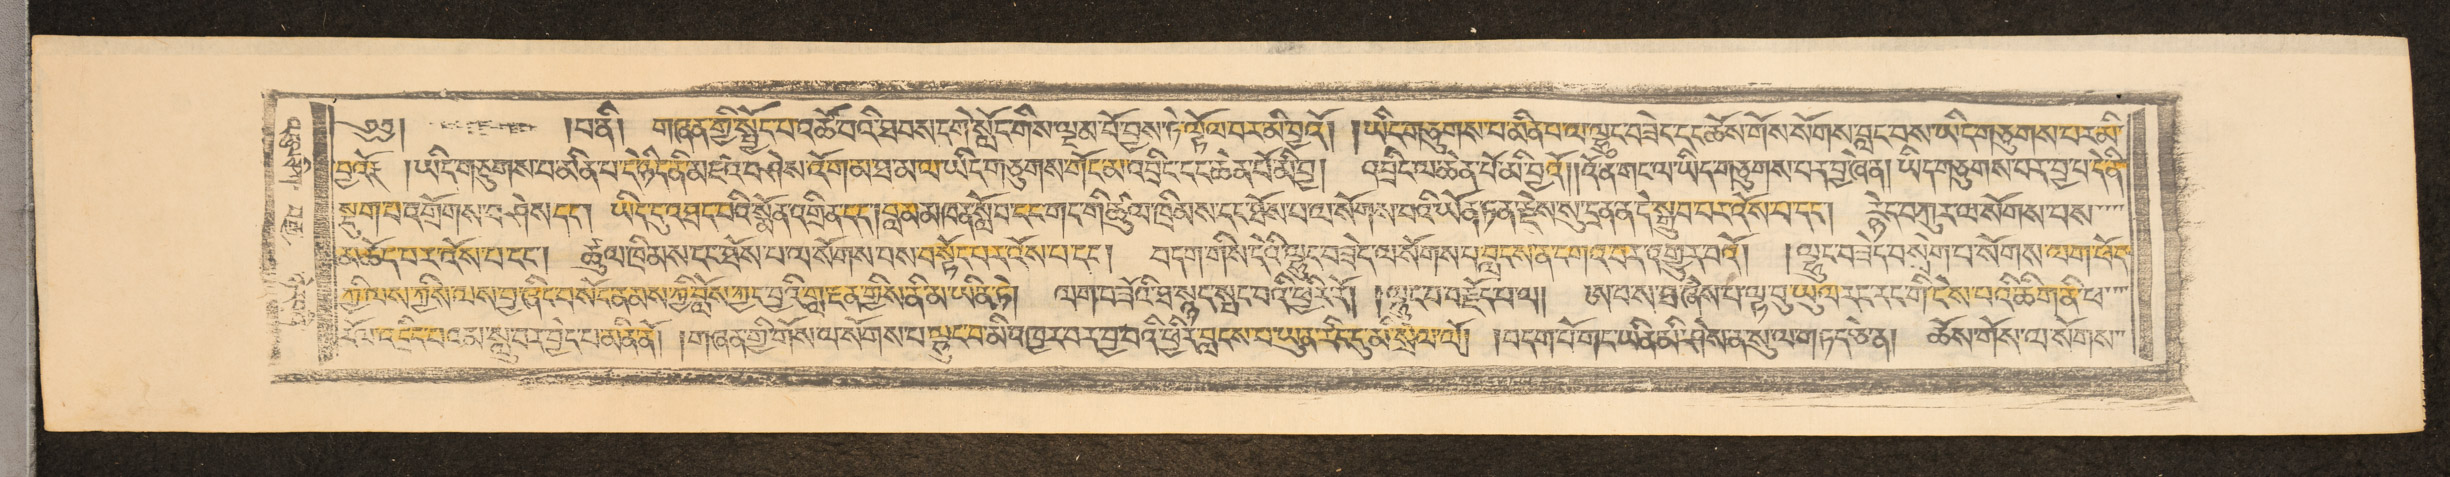༄༅། །པ་ནི། གཞན་གྱི་སྤྱོད་པ་འཚོ་བའི་ཐབས་དགེ་སློང་གིས་ལྡམ་པོ་བྱས་ཏེ་ལྟོལ་བར་མི་བྱའོ། །ཡིད་གཅུགས་པ་མིན་པ་ལ་ལྷུང་བཟེད་དང་ཆོས་གོས་སོགས་བླང་པས་ཡིད་གཅུགས་པར་མི་
བྱའོ༑ །ཡིད་གཅུགས་པ་མིན་པ་དེ་ཉིད་ནི་མཛའ་བཤེས་འོག་མ་ཐ་མ་ལ་ཡིད་གཅུགས་གོང་མ་འབྲིང་དང་ཆེན་པོ་མི་བྱ། འབྲིང་ལ་ཆེན་པོ་མི་བྱའོ། །འོ་ན་གང་ལ་ཡིད་གཅུགས་པར་བྱ་ཞེ་ན། ཡིད་གཅུགས་པར་བྱ་པ་དེ་ནི་
སྡུག་པ་འགྲོགས་བཤེས་དང་། ཡིད་དུ་འཐད་པའི་སྨོན་འགྲིན་དང་། བླ་མ་མཁན་སློབ་དང་གང་གི་ཚུལ་ཁྲིམས་དང་ཐོས་པ་ལ་སོགས་པའི་ཡོན་ཏན་རྗེས་སུ་དྲན་ན་དེ་སྒྲུབ་པར་འོས་པ་དང་། རྙེད་བཀུར་ལ་སོགས་པས་
མཆོད་པར་འོས་པ་དང་། ཚུལ་ཁྲིམས་དང་ཐོས་པ་ལ་སོགས་པས་བསྟོད་པར་འོས་པ་དང་། བདག་གིས་དེའི་ལྷུང་བཟེད་ལ་སོགས་པ་བླངས་ན་དགའ་བར་འགྱུར་བའོ། །ལྷུང་བཟེད་བསྲེག་པ་སོགས་ལག་ཕོད་
ཀྱི་ལས་ཀྱིས་ལས་བྱ་ཞིང་བསོད་ནམས་ཀྱི་བློས་ཀྱང་བྱའི་གླ་རྡན་གྱིས་ནི་མ་ཡིན་ཏེ། ལག་བཟོའི་ཐ་སྙད་སྤང་བའི་ཕྱིར་རོ། །ལྷུང་བ་བརྗོད་པ་ལ། ཨ་བ་ས་ཐ་ཞེས་པ་ལྟ་བུ་ཡུལ་རང་རང་གི་ངེས་པའི་ཚིག་ནི་ཕ་
རོལ་འདྲིད་པའམ་སླུ་བར་བྱེད་པ་མིན་ནོ། །གཞན་གྱི་གོས་ལ་སོགས་པ་ལྷུང་བ་མི་འཁྱར་བར་བྱ་བའི་ཕྱིར་བླངས་པ་ཡུན་རིང་དུ་མི་སྲེལ་ལོ། །བདག་པོ་གང་ཡིན་མི་ཤེས་ན་སུ་ལ་གཏད་ཙེ་ན། ཆོས་གོས་ལ་སོགས་